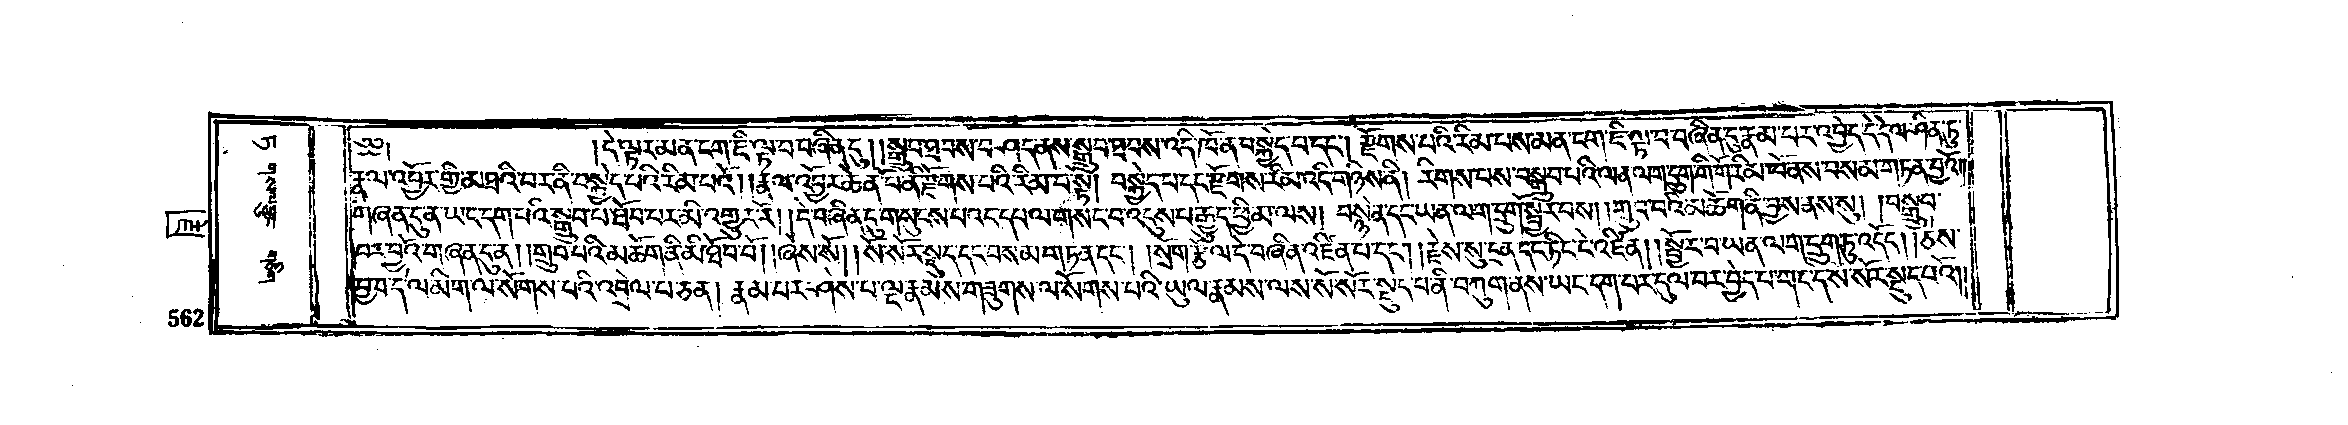༄༅། །དེ་ལྟར་མན་ངག་ཇི་ལྟ་བ་བཞིན་དུ། །སྒྲུབ་ཐབས་བཤད་ནས་སྒྲུབ་ཐབས་འདི་ཁོ་ན་བསྐྱེད་པ་དང་། རྫོགས་པའི་རིམ་པས་མན་ངག་ཇི་ལྟ་བ་བཞིན་དུ་རྣམ་པར་འབྱེད་དེ་དེ་ལ་ཤིན་ཏུ་
རྣལ་འབྱོར་གྱི་མཐའི་བར་ནི་བསྐྱེད་པའི་རིམ་པའོ། །རྣལ་འབྱོར་ཆེན་པོ་ནི་རྫོགས་པའི་རིམ་པ་སྟེ། བསྐྱེད་པ་དང་རྫོགས་རིམ་འདི་གཉིས་ནི། རིགས་པས་བསྒྲུབ་པའི་ལན་ལག་དྲུག་གི་གོ་རིམ་ཁོ་ནས་བསམ་གཏན་བྱའོ། །
གཞན་དུ་ན་ཡང་དག་པའི་སྒྲུབ་པ་ཐོབ་པར་མི་འགྱུར་རོ། །དེ་བཞིན་དུ་གསུངས་པའང་དཔལ་གསང་བ་འདུས་པ་རྒྱུད་ཕྱི་མ་ལས། བསྙེན་དང་ཡན་ལག་དྲུག་སྦྱོར་བས། །གྲུབ་པའི་མཆོག་ནི་བྱས་ནས་སུ། །བསྒྲུབ་
པར་བྱའོ་གཞན་དུ་ན། །གྲུབ་པའི་མཆོག་ནི་མི་ཐོབ་བོ། །ཞེས་སོ། །སོ་སོར་སྡུད་དང་བསམ་གཏན་དང་། །སྲོག་རྩོལ་དེ་བཞིན་འཛིན་པ་དང་། །རྗེས་སུ་དྲན་དང་ཏིང་ངེ་འཛིན། །སྦྱོར་བ་ཡན་ལག་དྲུག་ཏུ་འདོད། །ཅེས་
བྱ་བ་དེ་ལ་མིག་ལ་སོགས་པའི་འབྲེལ་པ་ཅན། རྣམ་པར་ཤེས་པ་ལྔ་རྣམས་གཟུགས་ལ་སོགས་པའི་ཡུལ་རྣམས་ལས་སོ་སོར་སྡུད་པ་ནི་བཀུག་ནས་ཡང་དག་པར་དུལ་བར་བྱེད་པ་གང་དེ་སོ་སོར་སྡུད་པའོ། །